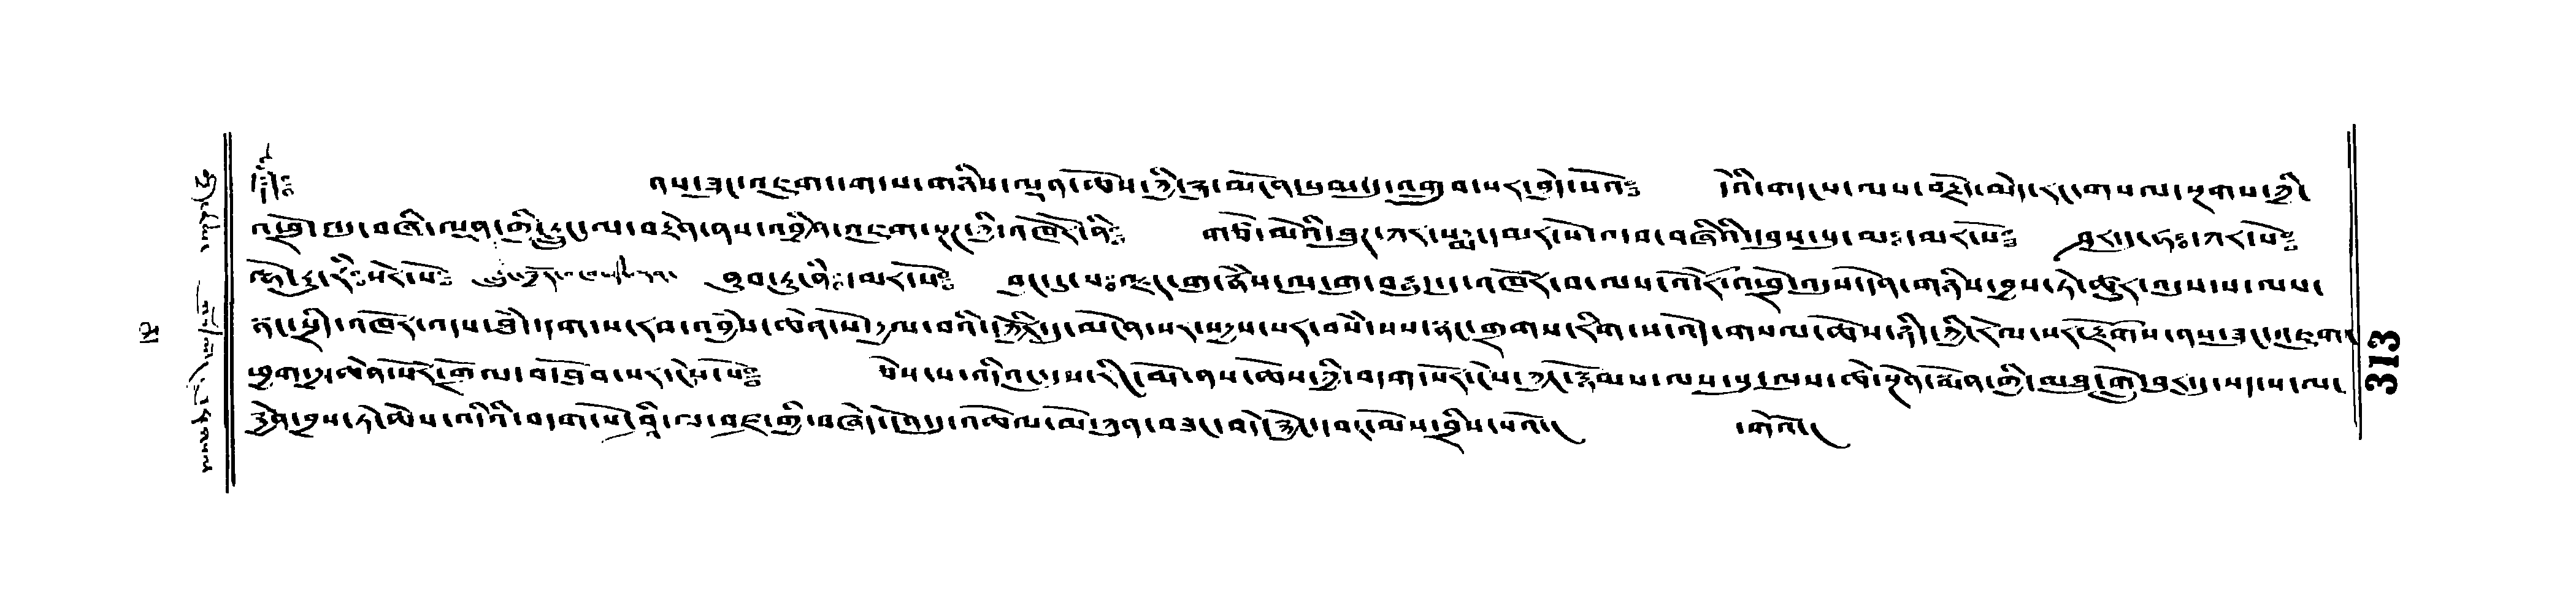ནས་ཟུང་འཇུག་དག་པ་གཉིས་ལྡན་ཆོས་ཀྱི་སྐུ་མངོན་སུམ་དུ་འགྲུབ་པར་བྱེད་པའོ༔ དེའི་གདངས་ལས་བརྗོད་མེད་རང་གསལ་སྔགས་ཀྱི་
འཕྲོ་འདུ་བཞི་ལྡན་གྱི་རླུང་ལ་བརྟེན་ནས་འབྱིན་འཇུག་སྔགས་ཀྱི་འཁོར་ལོ་ནི༔ གཙོ་མོའི་ཐུགས་ཀར་པདྨ་དམར་པོ་འདབ་བཞིའི་དབུས་སུ་མཿདམར་པོ༔ ཤར་དུ་ཧཿདཀར་པོ༔ 
ལྷོ་རུ་རིཿསེར་པོ༔ ནུབ་ཏུ་ནིཿདམར་པོ༔ བྱང་དུ་སཿལྗང་གུ་རྣམས་ལུ་གུ་རྒྱུད་དུ་འཁོར་བ་ལས་འོད་ཟེར་འཕྲོ་འདུས་དོན་གཉིས་བྱས་ཏེ་ཚུར་འདུས་པ་ལས་
སྣང་སྲིད་འཁོར་འདས་ཐམས་ཅད་དག་པ་རབ་འབྱམས་ཆེན་པོ་རྒྱལ་བའི་དཀྱིལ་འཁོར་དུ་མངོན་པར་སངས་རྒྱས་པར་བསམ་པས་སྣང་གྲགས་རིག་པ་འོད་གསལ་ཆོས་ཉིད་ཀྱི་རོལ་པར་རྫོགས་ནས་ཟུང་འཇུག་
ཕྱག་རྒྱ་ཆེན་པོར་གྲོལ་བ་ཐོབ་པར་ངེས་སོ༔ཅེས་པ་འདིའང་དུས་རིང་མོ་ནས་ཆོས་ཀྱི་བདག་པོར་ངེས་ཀྱང་སྙོམས་ལས་སུ་ལུས་ཚེ་སྔོན་སྨོན་གྱི་མཐུ་གློ་བུར་དུ་སད་པ་ལ་
རྐྱེན་བྱས་ཏེ་ཆོས་འདིའི་བདག་པོ་ཤཱི་ལ་བཛྲ་གྱི་བཞེད་དོན་དུ་འཆོལ་མོ་ཀུན་བཟང་བདེ་སྐྱོང་དབང་མོས་བྲིས་པའོ།། དགེའོ།།